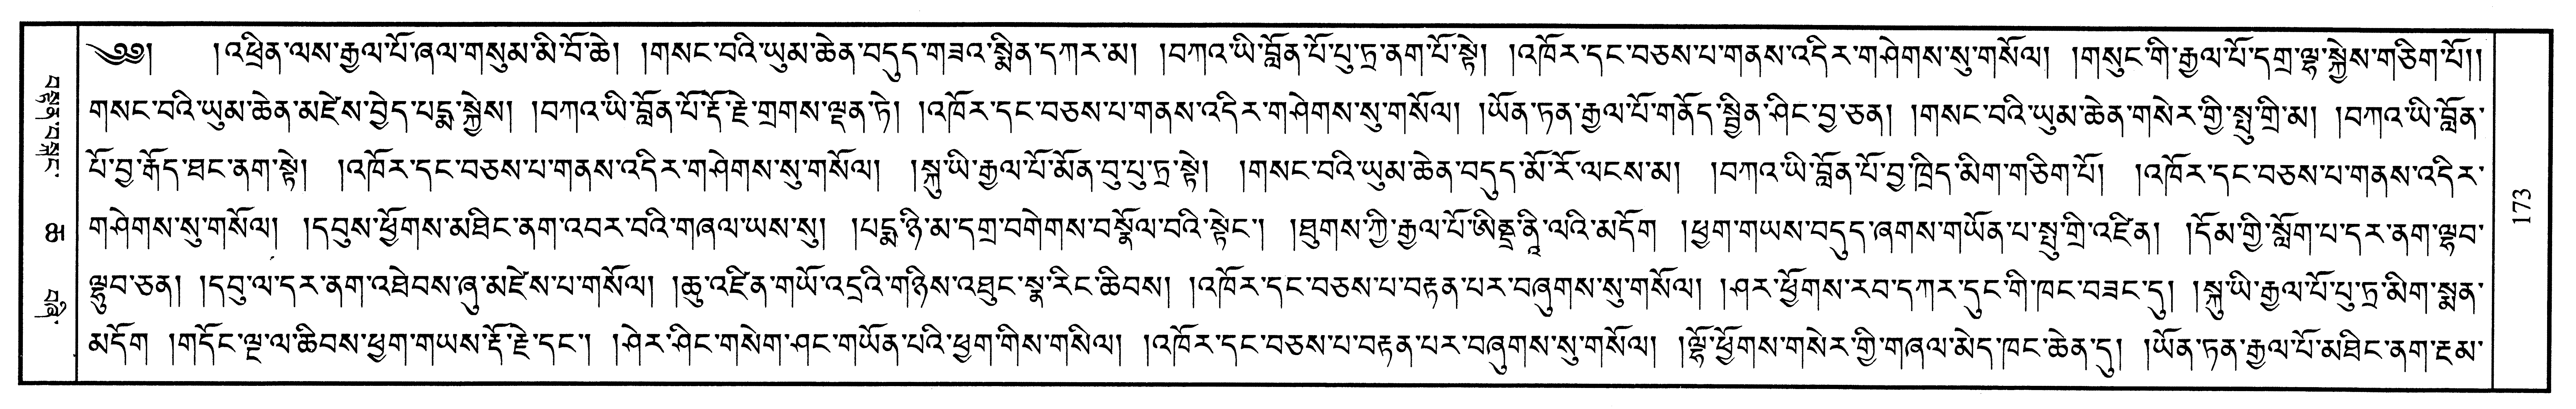༄༅། །འཕྲིན་ལས་རྒྱལ་པོ་ཞལ་གསུམ་མི་བོ་ཆེ། །གསང་བའི་ཡུམ་ཆེན་བདུད་གཟའ་སྨིན་དཀར་མ། །བཀའ་ཡི་བློན་པོ་པུ་ཏྲ་ནག་པོ་སྟེ། །འཁོར་དང་བཅས་པ་གནས་འདིར་གཤེགས་སུ་གསོལ། །གསུང་གི་རྒྱལ་པོ་དགྲ་ལྷ་སྐྱེས་གཅིག་པོ།།
གསང་བའི་ཡུམ་ཆེན་མཛེས་བྱེད་པདམ་སྐྱེས། །བཀའ་ཡི་བློན་པོ་རྡོ་རྗེ་གྲགས་ལྡན་ཏེ། །འཁོར་དང་བཅས་པ་གནས་འདིར་གཤེགས་སུ་གསོལ། །ཡོན་ཏན་རྒྱལ་པོ་གནོད་སྦྱིན་ཤིང་བྱ་ཅན། །གསང་བའི་ཡུམ་ཆེན་གསེར་གྱི་སྤུ་གྲི་མ། །བཀའ་ཡི་བློན་
པོ་བྱ་རྒོད་ཐང་ནག་སྟེ། །འཁོར་དང་བཅས་པ་གནས་འདིར་གཤེགས་སུ་གསོལ། །སྐུ་ཡི་རྒྱལ་པོ་མོན་བུ་པུ་ཏྲ་སྟེ། །གསང་བའི་ཡུམ་ཆེན་བདུད་མོ་རོ་ལངས་མ། །བཀའ་ཡི་བློན་པོ་བྱ་ཁྲིད་མིག་གཅིག་པོ། །འཁོར་དང་བཅས་པ་གནས་འདིར་
གཤེགས་སུ་གསོལ། །དབུས་ཕྱོགས་མཐིང་ནག་འབར་བའི་གཞལ་ཡས་སུ། །པདམ་ཉི་མ་དགྲ་བགེགས་བསྣོལ་བའི་སྟེང་། །ཐུགས་ཀྱི་རྒྱལ་པོ་ཨིནྡྲ་ནཱི་ལའི་མདོག །ཕྱག་གཡས་བདུད་ཞགས་གཡོན་པ་སྤུ་གྲི་འཛིན། །དོམ་གྱི་སློག་པ་དར་ནག་ལྷབ་
ལྷུབ་ཅན། །དབུ་ལ་དར་ནག་འཐེབས་ཞུ་མཛེས་པ་གསོལ། །ཆུ་འཛིན་གཡོ་འདྲའི་གཉིས་འཐུང་སྣ་རིང་ཆིབས། །འཁོར་དང་བཅས་པ་བརྟན་པར་བཞུགས་སུ་གསོལ། །ཤར་ཕྱོགས་རབ་དཀར་དུང་གི་ཁང་བཟང་དུ། །སྐུ་ཡི་རྒྱལ་པོ་པུ་ཏྲ་མིག་སྨན་
མདོག །གདོང་ལྔ་ལ་ཆིབས་ཕྱག་གཡས་རྡོ་རྗེ་དང་། །ཤེར་ཤིང་གསེག་ཤང་གཡོན་པའི་ཕྱག་གིས་གསིལ། །འཁོར་དང་བཅས་པ་བརྟན་པར་བཞུགས་སུ་གསོལ། །ལྷོ་ཕྱོགས་གསེར་གྱི་གཞལ་མེད་ཁང་ཆེན་དུ། །ཡོན་ཏན་རྒྱལ་པོ་མཐིང་ནག་རྔམ་